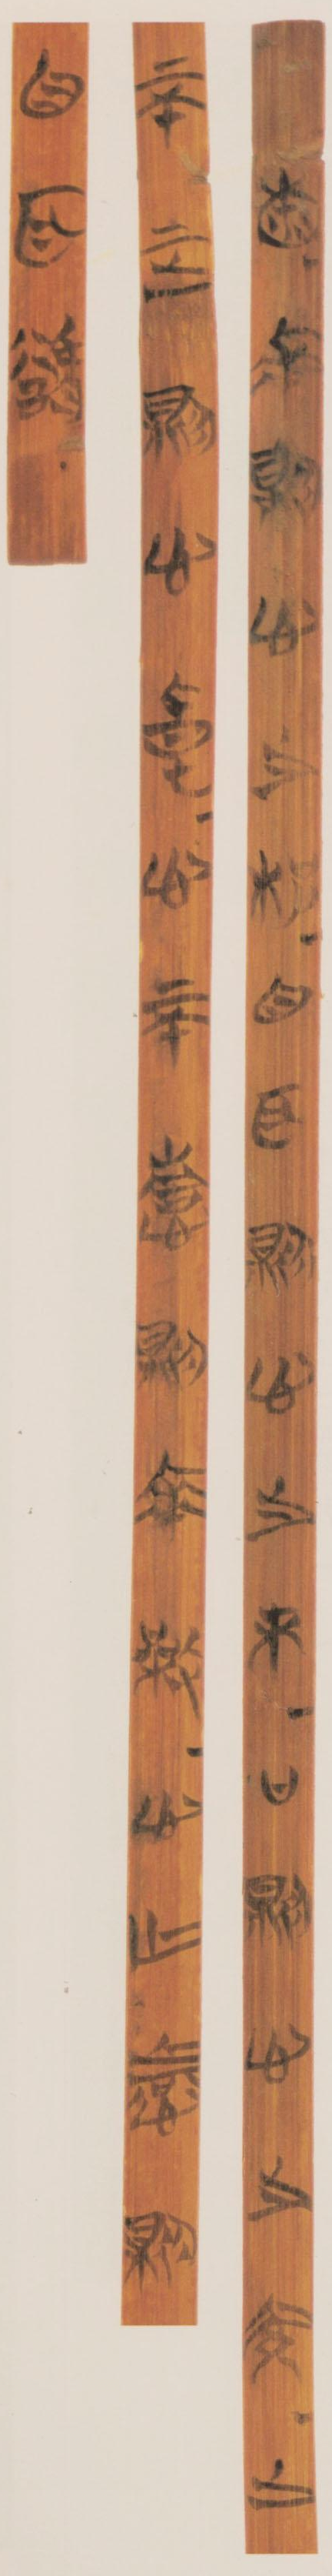本B（本）手則心之枳目耳則心之末口則心之{宀交}止不正則心卓心不情則手{喿攴}心亡𢝬則目耳豫
